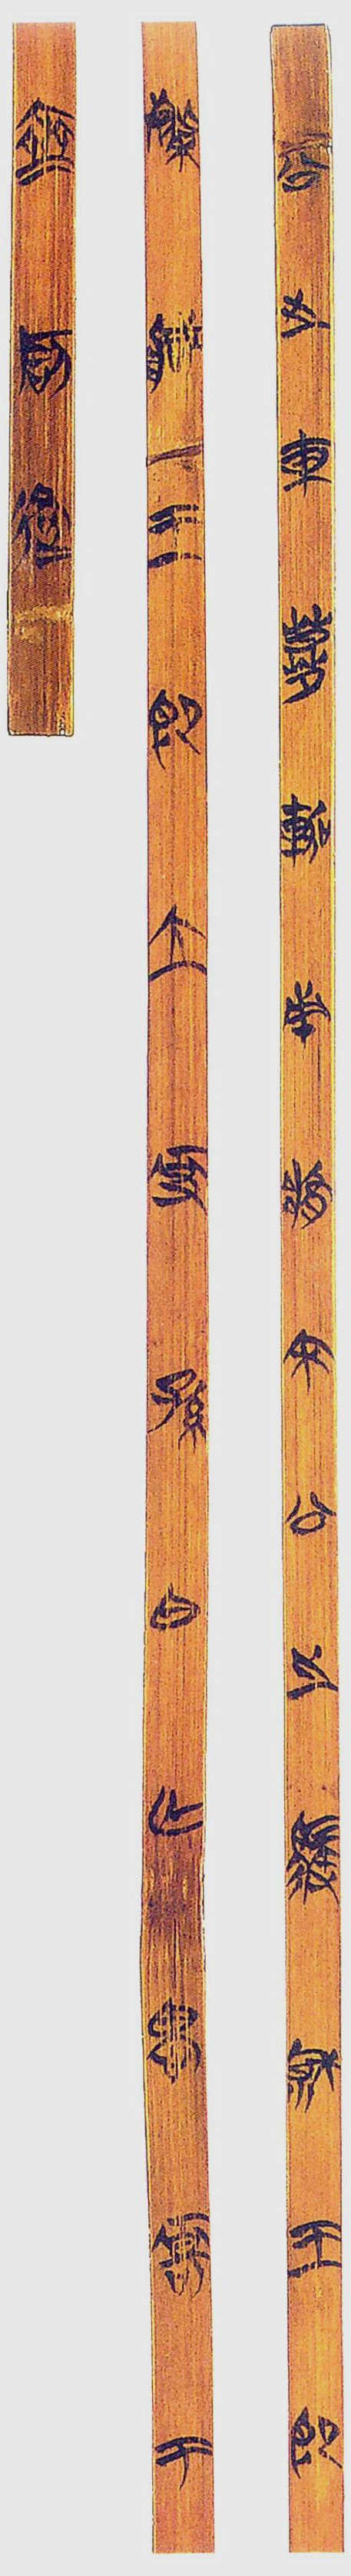公之車{莫夕}{加車}用{爿兔}宋公之馭穆王即殜戕王即立史孫白亡愄{口甹}于齊叚{辶各}
